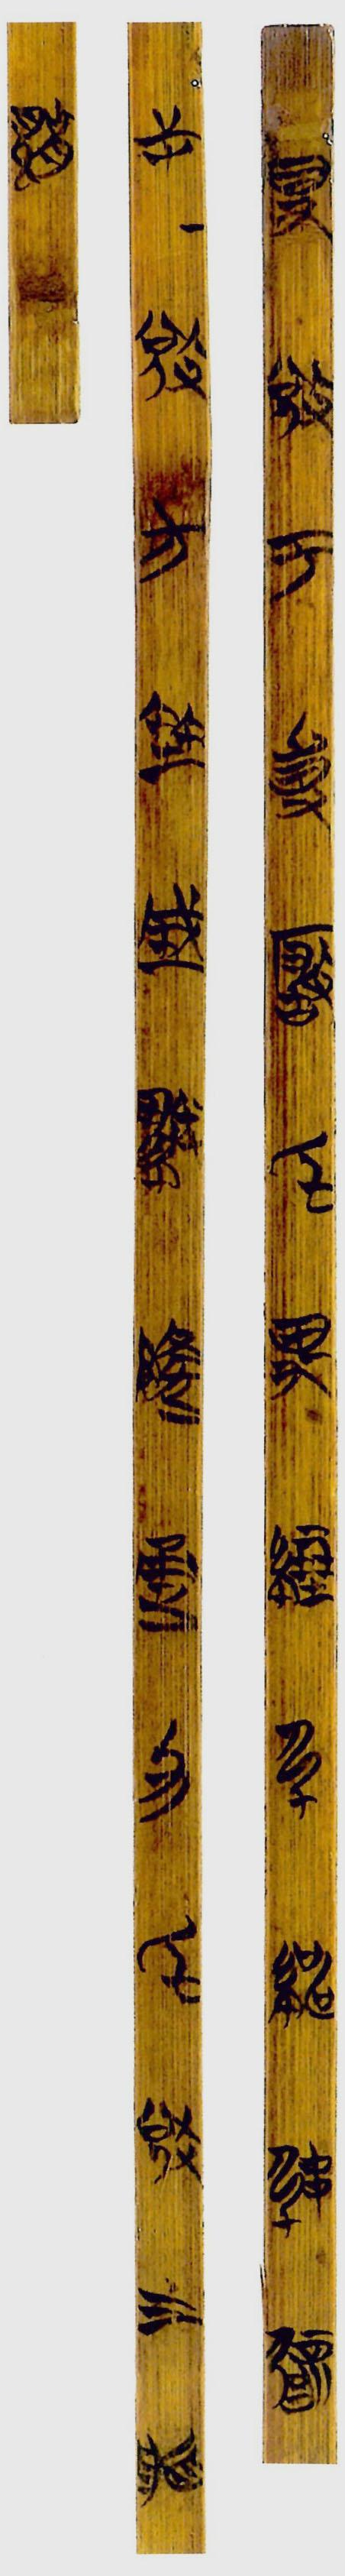𠭁（得）敓（說）于尃{厂敢}氒卑{糸朋土}弓紳{弓串}辟矢敓（說）方{竹土}城縢{降止}{甬止}力氒敓（說）之{爿頁}鵑
